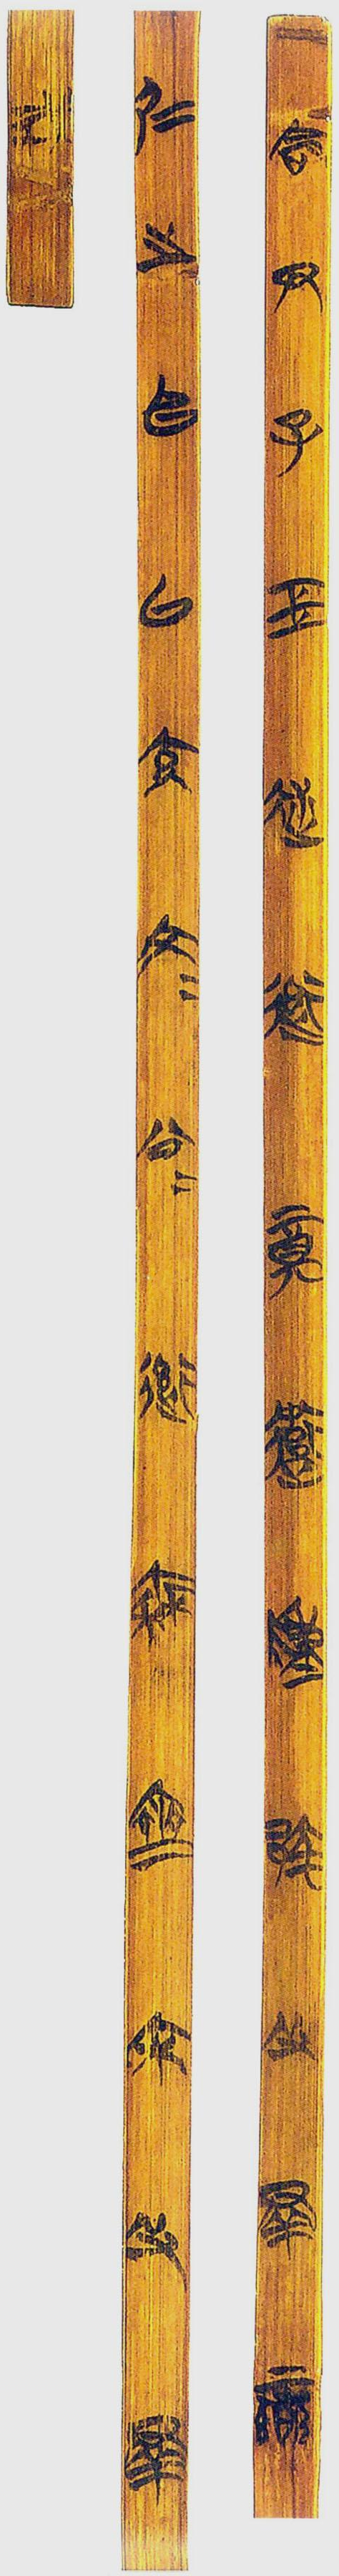命尹子玉述{行幺止}奠{衛止}陳○（蔡）及群{絲言}𡰥之𠂤㠯（以）交文=公={行幺止}秦齊宋及群戎
